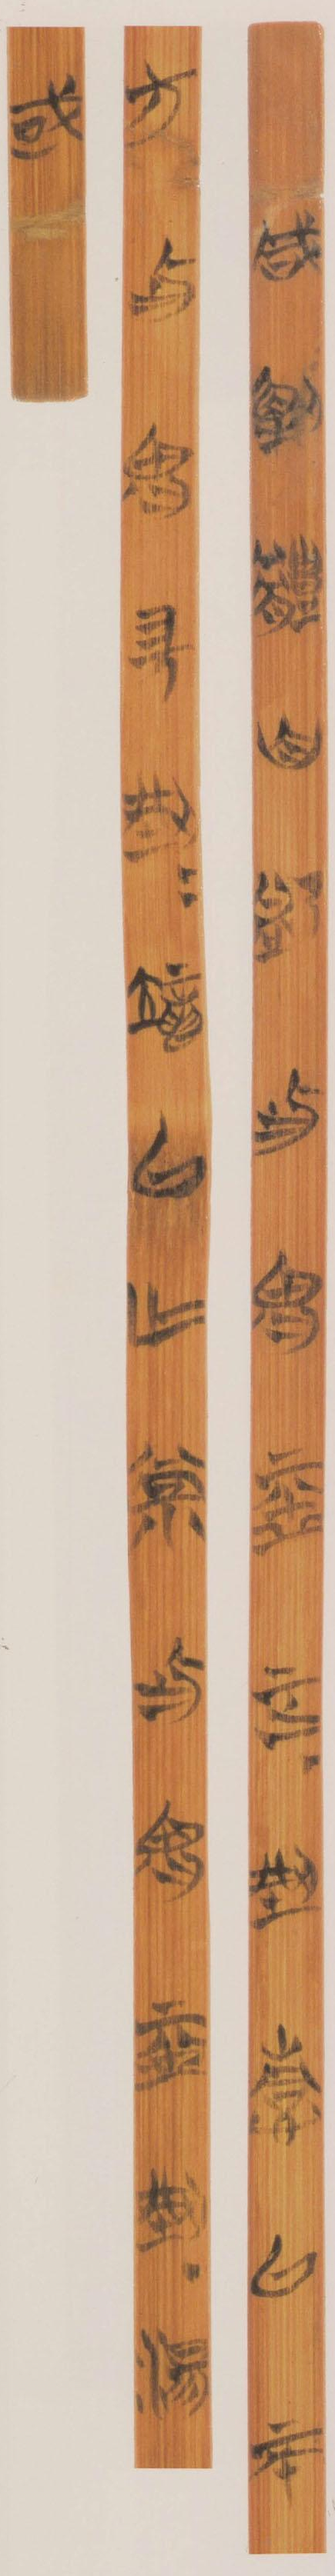咸解體自卹此胃亞正型情㠯（以）不方此胃𡵂型={立竜}㠯（以）亡常此胃亞型湯或
